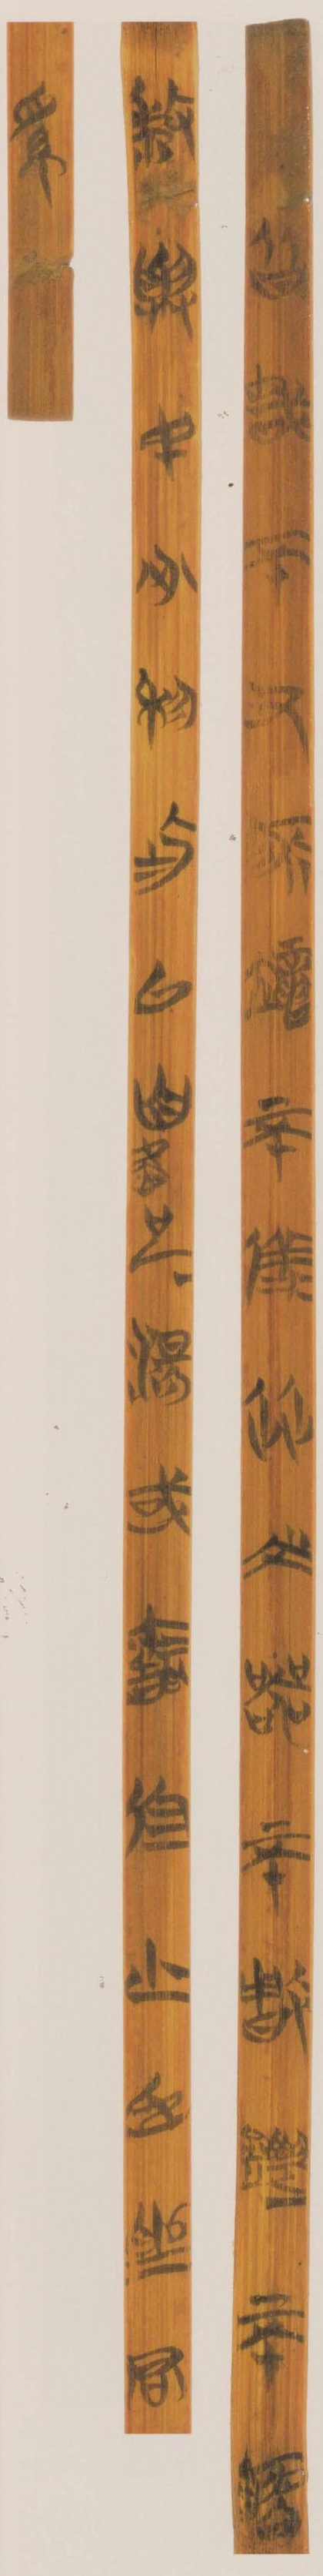皆哉不又所{立竜}不備{化化}文器不{周攴}鏤不{疒虎口}殺與民分利此㠯（以）自㤅也湯或{尒䎽}於少臣爲君奚
